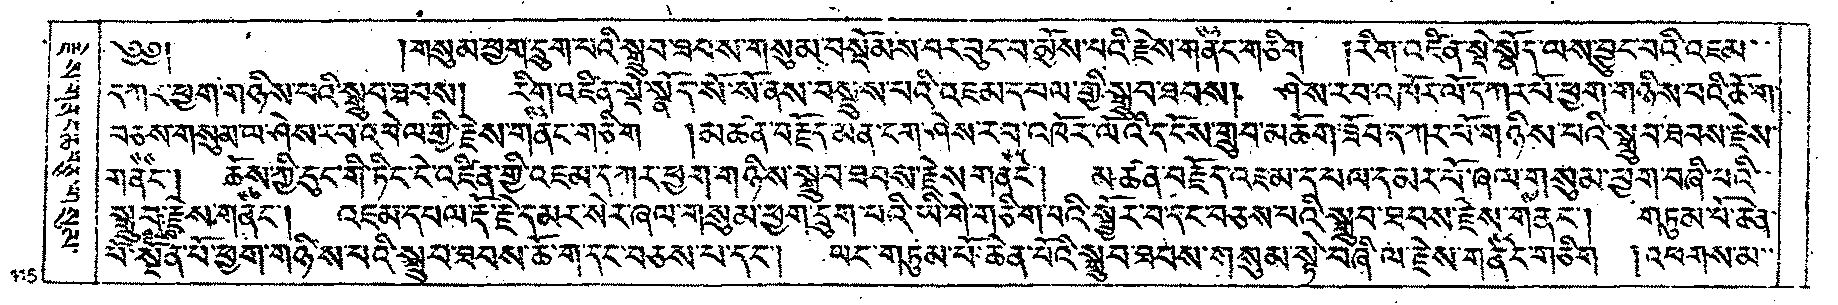༄༅། །གསུམ་ཕྱག་དྲུག་པའི་སྒྲུབ་ཐབས་གསུམ་བསྡོམས་པར་བུང་བ་མྱོས་པའི་རྗེས་གནང ༤༢་གཅིག །རིག་འཛིན་སྡེ་སྣོད་ལས་བྱུང་བའི་འཇམ་
དཀར་ཕྱག་གཉིས་པའི་སྒྲུབ་ཐབས། རིག་འཛིན་སྡེ་སྣོད་སོ་སོ་ནས་བསྡུས་པའི་འཇམ་དཔལ་གྱི་སྒྲུབ་ཐབས། ཤེས་རབ་འཁོར་ལོ་དཀར་པོ་ཕྱག་གཉིས་པའི་ཆོ་ག་
བཅས་གསུམ་ལ་ཤེས་རབ་འཕེལ་གྱི་རྗེས་གནང ༤༣་གཅིག །མཚན་བརྗོད་མན་ངག་ཤེས་རབ་འཁོར་ལོའི་དངོས་གྲུབ་མཆོག་ཐོབ་དཀར་པོ་གཉིས་པའི་སྒྲུབ་ཐབས་རྗེས་
གནང ༤༤། ཆོས་ཀྱི་དུང་གི་ཏིང་ངེ་འཛིན་གྱི་འཇམ་དཀར་ཕྱག་གཉིས་སྒྲུབ་ཐབས་རྗེས་གནང ༤༥། མཚན་བརྗོད་འཇམ་དཔལ་དམར་པོ་ཞལ་གསུམ་ཕྱག་བཞི་པའི་
སྒྲུབ་ཐབས་རྗེས་གནང ༤༦། འཇམ་དཔལ་རྡོ་རྗེ་དམར་སེར་ཞལ་གསུམ་ཕྱག་དྲུག་པའི་ཡི་གེ་གཅིག་པའི་སྦྱོར་བ་དང་བཅས་པའི་སྒྲུབ་ཐབས་རྗེས་གནང ༤༧། གཏུམ་པོ་ཆེན་
པོ་སྔོན་པོ་ཕྱག་གཉིས་པའི་སྒྲུབ་ཐབས་ཆོ་ག་དང་བཅས་པ་དང་། ཡང་གཏུམ་པོ་ཆེན་པོའི་སྒྲུབ་ཐབས་གསུམ་སྟེ་བཞི་ལ་རྗེས་གནང ༤༨་གཅིག །འཕགས་མ་